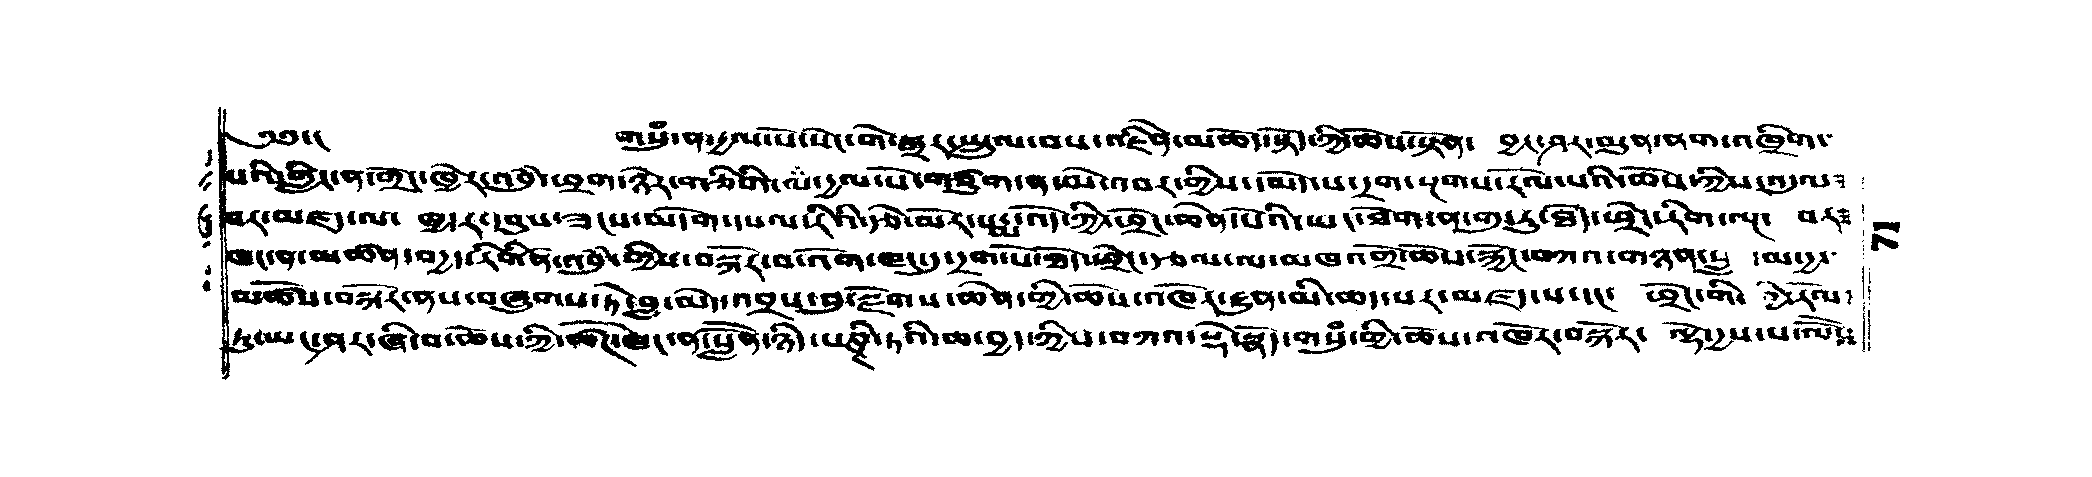གསུམ་ན་རྒྱལ་པོ་ལ་སེང་གེ་སྒྲར་སྤྲུལ་བས་འཇིག་རྟེན་མཆོད་བསྟོད་ཀྱི་ཆོས་སྟོན། བྱང་ཤར་མུན་ནག་འཁྲིག་
པའི་གླིང་ན་གྲོང་ཁྱེར་འབུམ་ཕྲག་ཉེར་གཅིག་གི་ལམ་རྒྱལ་པོ་གཙུག་ན་མེ་འབར་གྱིས་དམོད་པ་དྲག་སྔགས་རོལ་པའི་ཆོས་ཀྱིས་འདུལ་
བར་མཛད་ལ། ཁྱད་པར་དབུས་ཟངས་མདོག་དཔལ་རིའི་རྩེ་མོར་པདྨ་འོད་ཀྱི་ཕོ་བྲང་ཆེན་པོའི་ཡང་ཐོག་ན་གུ་རུ་ཐོད་ཕྲེང་རིག་ལྔ་། བར་
ཁང་ན་མཚན་བརྒྱད་རིག་འཛིན་འབུམ་གྱིས་བསྐོར་བ་འོག་ཁང་དུ་དྲག་པོ་ཐོད་ཕྲེང་རྩལ་ལ་མཁའ་འགྲོ་ཆོས་སྐྱོང་བཀའ་གཉན་བླ་མ་རྒྱ་
མཚོས་བསྐོར་ནས་བཞུགས་ཏེ་བླ་མེད་འབྲས་བུ་རྫོགས་ཆེན་གྱི་ཆོས་འཁོར་རྒྱུན་མི་ཆད་པར་མཛད་པ་དང་། ཕོ་བྲང་གི་ཕྱི་རོལ་
ཏུ་ཡང་ཤར་ཞི་བ་ཆོས་ཀྱི་ཚོགས་ཁང་བ་སློབ་དཔོན་ཉིད་པཎྜི་ཏའི་ཆ་བྱད་ཀྱིས་བཀའ་སྡེ་སྣོད་གསུམ་གྱི་ཆོས་འཁོར་བསྐོར། ལྷོ་ཕྱོགས་རྒྱས་པ་ལོངས་སྤྱོད་